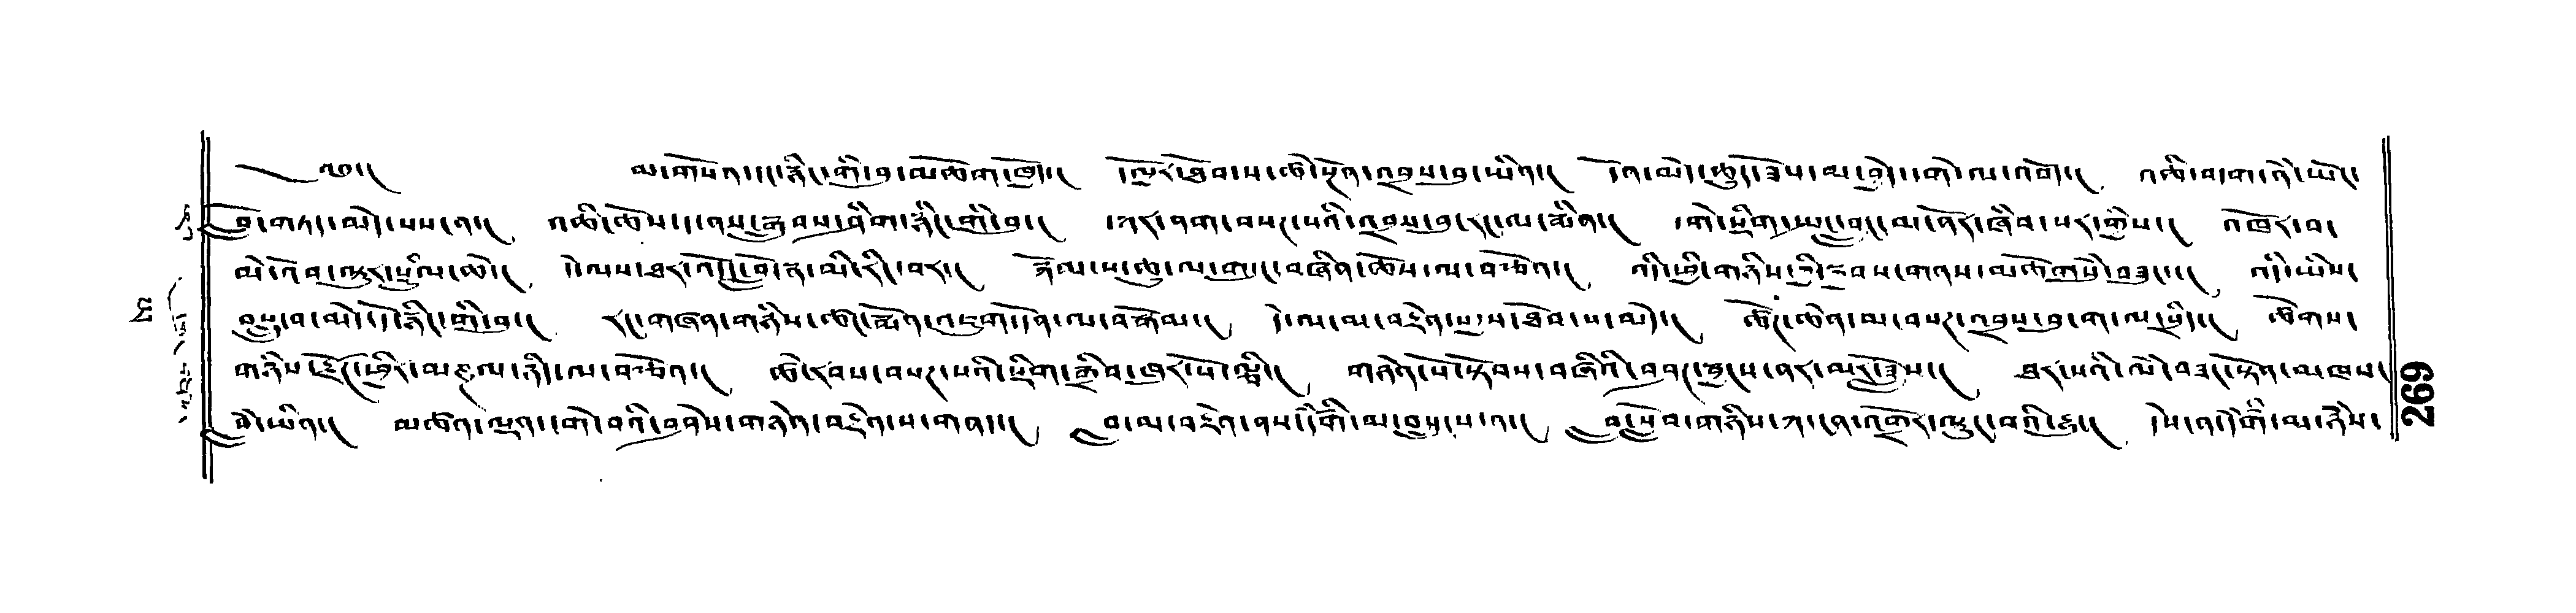མ་གསོན་དང་སྙིང་གི་བུ་མཆོག་ཁྱོད། དལ་འབྱོར་ཐོབ་པ་ཚེ་སྔོན་འབྲས་བུ་ཡིན། །དོན་མེད་ཆུད་ཟོས་མ་བྱེད་དགེ་ལ་འབད། །འཆི་བདག་ནམ་ཡོང་
བློ་གཏད་མེད་པས་ན། །འཆི་ཆོས་ད་ནས་སྒྲུབས་ཤིག་སྙིང་གི་བུ། །དཀར་ནག་བསགས་པའི་འབྲས་བུ་རང་ལ་སྨིན། །དགེ་སྡིག་སྤང་བླང་མ་ནོར་ཞིབ་པར་གྱིས། །འཁོར་བ་
མེ་འོབས་ལྟ་བུར་སྡུག་བསྔལ་ཆེ། །དེ་ལས་ཐར་འདོད་བློ་སྣ་མི་རིང་བར། །སྐོམ་པ་ཆུ་ལ་གདུང་བཞིན་ཆོས་ལ་བརྩོན། །འདི་ཕྱི་གཉིས་ཀྱི་སྐྱབས་གནས་མཆོག་གསུམ་བཟུང་། །འདི་ཡིས་
བསླུ་བ་མེད་དོ་སྙིང་གི་བུ། །རང་གཞན་གཉིས་ཚང་སྨོན་འཇུག་དོན་ལ་བསྒོམ། །དེ་ལ་མ་བརྟེན་སངས་རྒྱས་ཐོབ་པ་མེད། །ཚོགས་ཆེན་མ་བསགས་འབྲས་བུ་ག་ལ་སྲིད། །ཚོགས་
གཉིས་རྫོགས་ཕྱིར་མཎྜལ་ཉིད་ལ་བརྩོན། །ཚེ་རབས་བསགས་པའི་སྡིག་སྒྲིབ་ཁུར་པོ་ལྕི། །གཉེན་པོ་སྟོབས་བཞིའི་བཤགས་སྦྱངས་ནར་མར་ཟློས། །ཐར་པའི་ལམ་བཟང་སྟོན་མཁས་
བླ་མ་ཡིན། །མཚན་ལྡན་དགེ་བའི་བཤེས་གཉེན་བརྟེན་པ་གནད། །བླ་མ་བརྟེན་ནས་དམ་ཚིག་མ་བསྲུངས་ན། །བླ་སློབ་གཉིས་ཀ་ངན་འགྲོར་ལྟུང་བའི་རྒྱུ། །དེས་ན་དམ་ཚིག་མ་ཉམས་